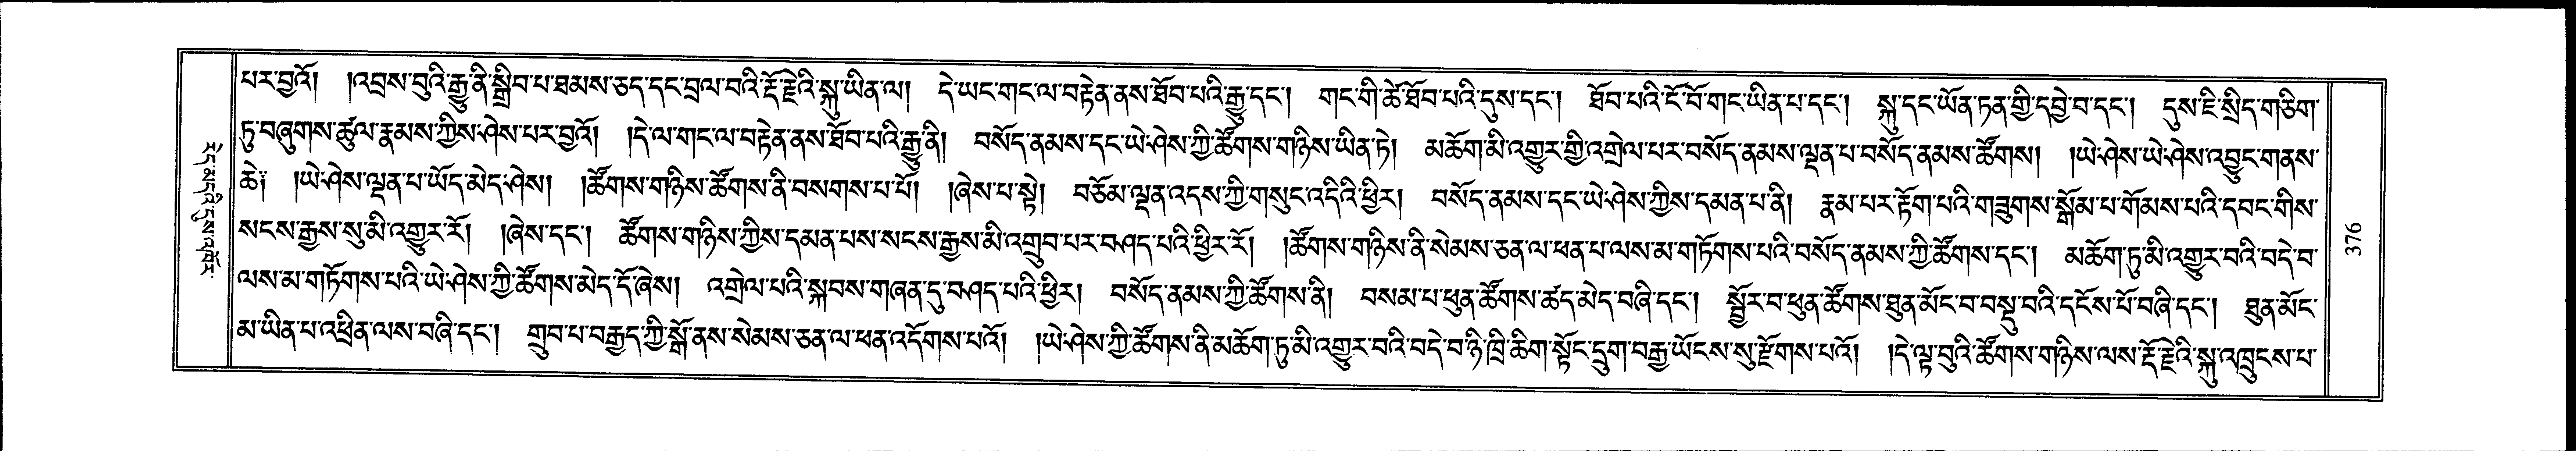པར་བྱའོ། །འབྲས་བུའི་རྒྱུ་ནི་སྒྲིབ་པ་ཐམས་ཅད་དང་བྲལ་བའི་རྡོ་རྗེའི་སྐུ་ཡིན་ལ། དེ་ཡང་གང་ལ་བརྟེན་ནས་ཐོབ་པའི་རྒྱུ་དང་། གང་གི་ཚེ་ཐོབ་པའི་དུས་དང་། ཐོབ་པའི་ངོ་བོ་གང་ཡིན་པ་དང་། སྐུ་དང་ཡོན་ཏན་གྱི་དབྱེ་བ་དང་། དུས་ཇི་སྲིད་གཅིག་
ཏུ་བཞུགས་ཚུལ་རྣམས་ཀྱིས་ཤེས་པར་བྱའོ། །དེ་ལ་གང་ལ་བརྟེན་ནས་ཐོབ་པའི་རྒྱུ་ནི། བསོད་ནམས་དང་ཡེ་ཤེས་ཀྱི་ཚོགས་གཉིས་ཡིན་ཏེ། མཆོག་མི་འགྱུར་གྱི་འགྲེལ་པར་བསོད་ནམས་ལྡན་པ་བསོད་ནམས་ཚོགས། །ཡེ་ཤེས་ཡེ་ཤེས་འབྱུང་གནས་
ཆེ། །ཡེ་ཤེས་ལྡན་པ་ཡོད་མེད་ཤེས། །ཚོགས་གཉིས་ཚོགས་ནི་བསགས་པ་པོ། །ཞེས་པ་སྟེ། བཅོམ་ལྡན་འདས་ཀྱི་གསུང་འདིའི་ཕྱིར། བསོད་ནམས་དང་ཡེ་ཤེས་ཀྱིས་དམན་པ་ནི། རྣམ་པར་རྟོག་པའི་གཟུགས་སྒོམ་པ་གོམས་པའི་དབང་གིས་
སངས་རྒྱས་སུ་མི་འགྱུར་རོ། །ཞེས་དང་། ཚོགས་གཉིས་ཀྱིས་དམན་པས་སངས་རྒྱས་མི་འགྲུབ་པར་བཤད་པའི་ཕྱིར་རོ། །ཚོགས་གཉིས་ནི་སེམས་ཅན་ལ་ཕན་པ་ལས་མ་གཏོགས་པའི་བསོད་ནམས་ཀྱི་ཚོགས་དང་། མཆོག་ཏུ་མི་འགྱུར་བའི་བདེ་བ་
ལས་མ་གཏོགས་པའི་ཡེ་ཤེས་ཀྱི་ཚོགས་མེད་དོ་ཞེས། འགྲེལ་པའི་སྐབས་གཞན་དུ་བཤད་པའི་ཕྱིར། བསོད་ནམས་ཀྱི་ཚོགས་ནི། བསམ་པ་ཕུན་ཚོགས་ཚད་མེད་བཞི་དང་། སྦྱོར་བ་ཕུན་ཚོགས་ཐུན་མོང་བ་བསྡུ་བའི་དངོས་པོ་བཞི་དང་། ཐུན་མོང་
མ་ཡིན་པ་འཕྲིན་ལས་བཞི་དང་། གྲུབ་པ་བརྒྱད་ཀྱི་སྒོ་ནས་སེམས་ཅན་ལ་ཕན་འདོགས་པའོ། །ཡེ་ཤེས་ཀྱི་ཚོགས་ནི་མཆོག་ཏུ་མི་འགྱུར་བའི་བདེ་བ་ཉི་ཁྲི་ཆིག་སྟོང་དྲུག་བརྒྱ་ཡོངས་སུ་རྫོགས་པའོ། །དེ་ལྟ་བུའི་ཚོགས་གཉིས་ལས་རྡོ་རྗེའི་སྐུ་འཁྲུངས་པ་